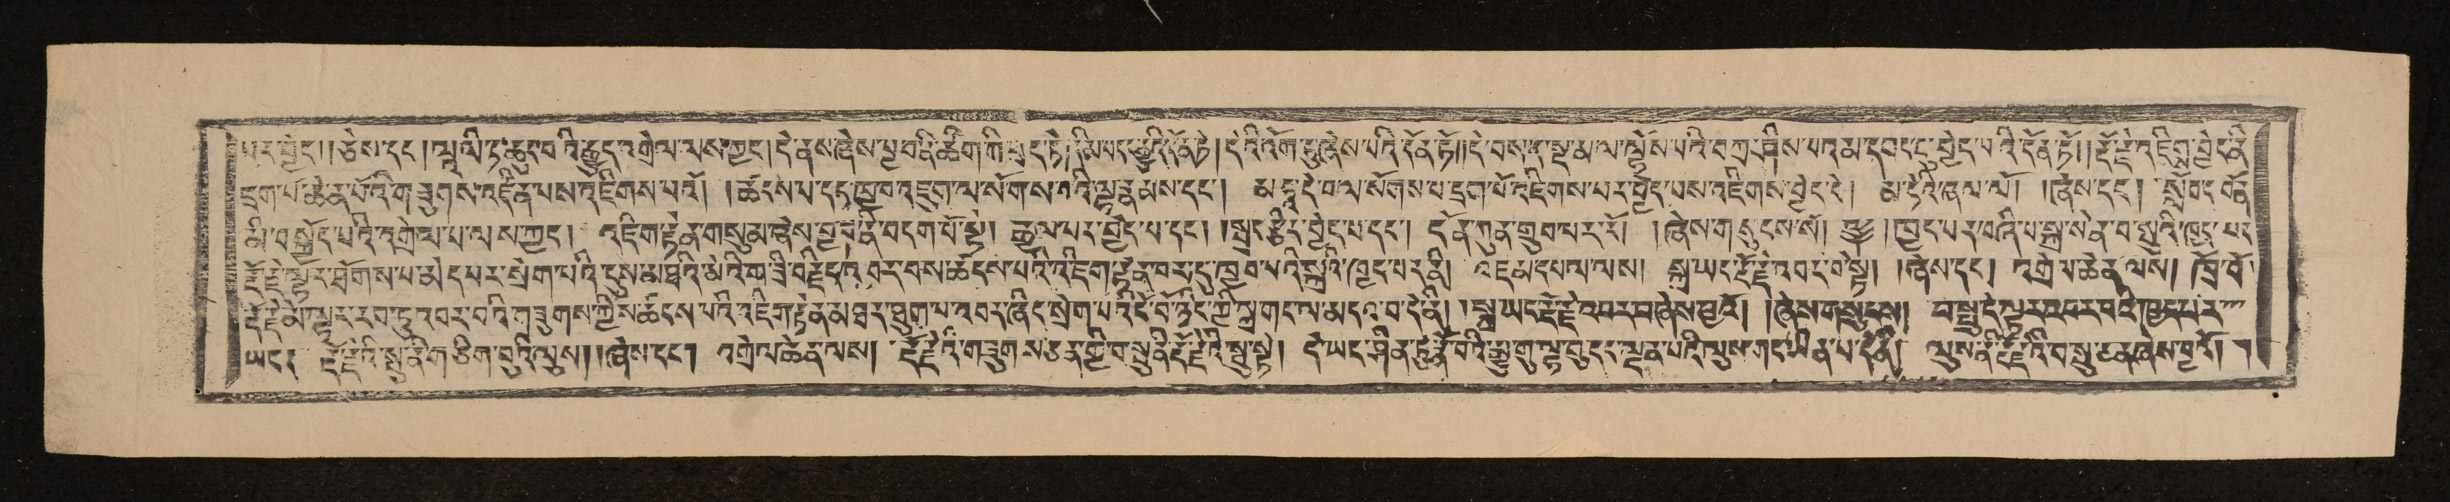པར་བྱེད། །ཅེས་དང་། ལཱ་ལི་ཏ་ཆུང་བའི་རྒྱུད་འགྲེལ་ལས་ཀྱང་། དེ་ནས་ཞེས་བྱ་བ་ནི་ཚིག་གི་ཕྲད་ཏེ། རིམ་པ་དང་རྒྱུའི་དོན་ཏེ། དེའི་འོག་ཏུ་ཞེས་པའི་དོན་ཏོ། །ད་བས་ན་སྔ་མ་ལ་ལྟོས་པའི་བཀྲ་ཤིས་པའམ་དབང་དུ་བྱེད་པའི་དོན་ཏོ། །རྡོ་རྗེ་འཇིགས་བྱེད་ནི་
དྲག་པོ་ཆེན་པོའི་གཟུགས་འཛིན་པས་འཇིགས་པའོ། །ཚངས་པ་དང་ཁྱབ་འཇུག་ལ་སོགས་པའི་ལྷ་རྣམས་དང་། མཧཱ་དེ་བ་ལ་སོགས་པ་དྲག་པོ་འཇིགས་པར་བྱེད་པས་འཇིགས་བྱེད་དེ། མ་ཧེའི་ཞལ་ལོ། །ཞེས་དང་། སློབ་དཔོན་
མི་བསྐྱོད་པའི་འགྲེལ་པ་ལས་ཀྱང་། འཇིག་རྟེན་གསུམ་ཞེས་བྱ་བ་ནི་བདག་པོ་སྟེ། རྒྱལ་བར་བྱེད་པ་དང་། སྦྲང་རྩིར་བྱེད་པ་དང་། དོན་ཀུན་གྲུབ་པར་རོ། །ཞེས་གསུངས་སོ། ༈ །ཁྱད་པར་བཞི་པ་སྐྲ་སེན་བ་སྤུའི་ཁྱད་པར་
རྡོ་རྗེ་ལྟར་ཐོགས་པ་མེད་པར་སྲེག་པའི་དུས་མཐའི་མེའི་གཟི་བརྗིད་འབར་བས་ཚངས་པའི་འཇིག་རྟེན་བར་དུ་ཁྱབ་པའི་སྐྲའི་ཁྱད་པར་ནི། འཇམ་དཔལ་ལས། སྐྲ་ཡང་རྡོ་རྗེ་འབར་བ་སྟེ། །ཞེས་དང་། འགྲེལ་ཆེན་ལས། ཁྲོ་བོ་
རྡོ་རྗེ་མེ་ལྟར་རབ་ཏུ་འབར་བའི་གཟུགས་ཀྱིས་ཚངས་པའི་འཇིག་རྟེན་མཐར་ཐུག་པ་འབར་ཞིང་སྲེག་པའི་ངོ་བོ་ཉིད་ཀྱི་སྐྲ་གང་ལ་མངའ་བ་དེ་ནི། སྐྲ་ཡང་རྡོ་རྗེ་འབར་བ་ཞེས་བྱའོ། །ཞེས་གསུངས། བ་སྤུ་དེ་ལྟར་འབར་བའི་ཁྱད་པར་
ཡང༑ རྡོ་རྗེའི་སྤུ་ནི་གཅིག་པུའི་ལུས། །ཞེས་དང་། འགྲེལ་ཆེན་ལས། རྡོ་རྗེའི་གཟུགས་ཅན་གྱི་བ་སྤུ་ནི་རྡོ་རྗེའི་སྤུ་སྟེ། དེ་ཡང་ཤིན་ཏུ་རྣོ་བའི་མྱུ་གུ་ལྟ་བུ་དང་ལྡན་པའི་ལུས་གང་ཡིན་པ་དེ་ནི། ལུས་ནི་རྡོ་རྗེའི་བ་སྤུ་ཅན་ཞེས་བྱའོ། །